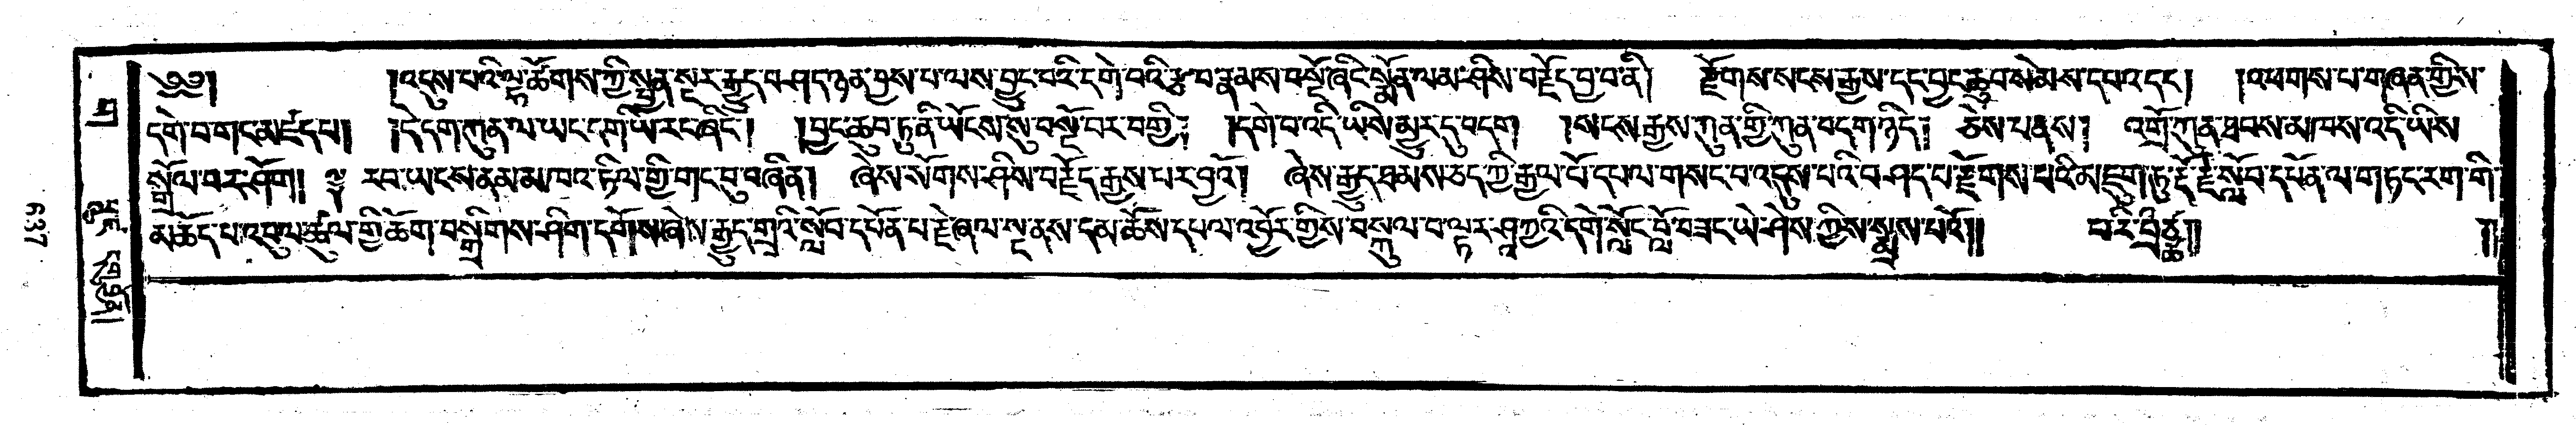༄༅། །འདུས་པའི་ལྷ་ཚོགས་ཀྱི་སྤྱན་སྔར་རྒྱུད་བཤད་ཉན་བྱས་པ་ལས་བྱུང་བའི་དགེ་བའི་རྩ་བ་རྣམས་བསྔོ་ཞིང་སྨོན་ལམ་ཤིས་བརྗོད་བྱ་བ་ནི། རྫོགས་སངས་རྒྱས་དང་བྱང་ཆུབ་སེམས་དཔའ་དང་། །འཕགས་པ་གཞན་གྱིས་
དགེ་བ་གང་མཛད་པ། །དེ་དག་ཀུན་ལ་ཡང་དག་ཡི་རང་ཞིང་། །བྱང་ཆུབ་ཏུ་ནི་ཡོངས་སུ་བསྔོ་བར་བགྱི། །དགེ་བ་འདི་ཡིས་མྱུར་དུ་བདག །སངས་རྒྱས་ཀུན་གྱི་ཀུན་བདག་ཉིད། ཅེས་པ་ནས། འགྲོ་ཀུན་ཐབས་མཁས་འདི་ཡིས་
སྒྲོལ་བར་ཤོག། ༈རབ་ཡངས་ནམ་མཁའ་ཏིལ་གྱི་གང་བུ་བཞིན། ཞེས་སོགས་ཤིས་བརྗོད་རྒྱས་པར་བྱའོ། ཞེས་རྒྱུད་ཐམས་ཅད་ཀྱི་རྒྱལ་པོ་དཔལ་གསང་བ་འདུས་པའི་བཤད་པ་རྫོགས་པའི་མཇུག་ཏུ་རྡོ་རྗེ་སློབ་དཔོན་ལ་གཏང་རག་གི་
མཆོད་པ་འབུལ་ཚུལ་གྱི་ཆོག་བསྒྲིགས་ཤིག་དགོས་ཞེས་རྒྱུད་གྲྭའི་སློབ་དཔོན་པ་རྗེ་ཞལ་སྔ་ནས་དམ་ཆོས་དཔལ་འབྱོར་གྱིས་བསྐུལ་བ་ལྟར་ཤཱཀྱའི་དགེ་སློང་བློ་བཟང་ཡེ་ཤེས་ཀྱིས་སྨྲས་པའོ། །བ་རི་བྲྀཙྪ། ། ། །